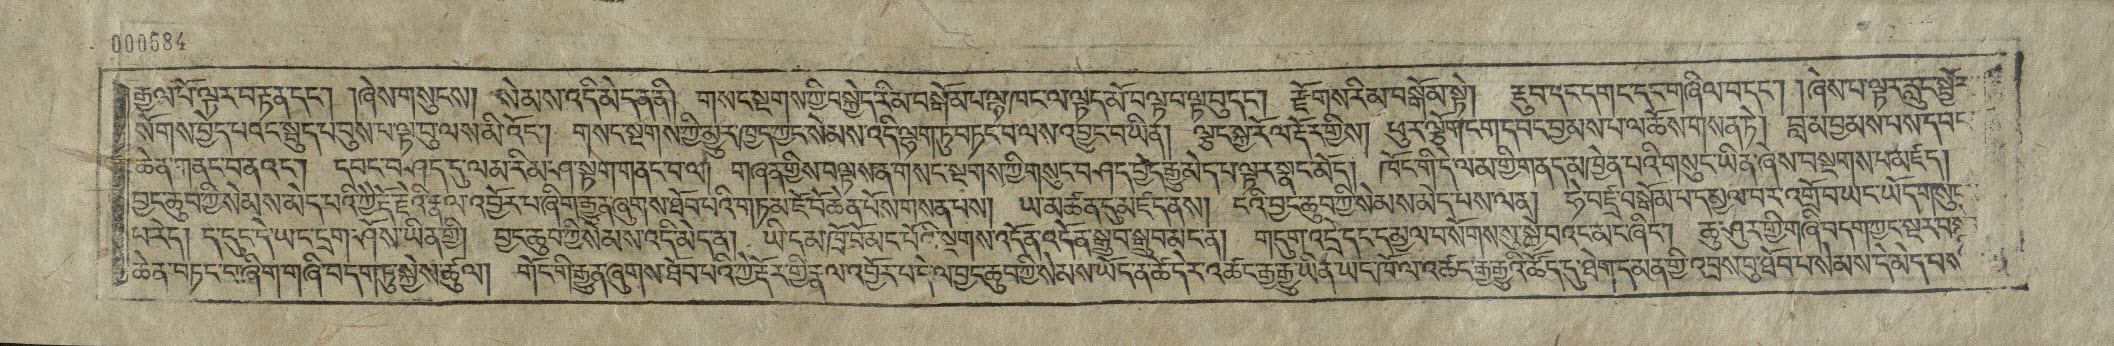རྒྱལ་པོ་ལྟར་བརྟན་དང་། །ཞེས་གསུངས། སེམས་འདི་མེད་ན་ནི། གསང་སྔགས་ཀྱི་བསྐྱེད་རིམ་བསྒོམ་པ་ལྷ་ཁང་ལ་ལྟད་མོ་བལྟ་བ་ལྟ་བུ་དང་། རྫོགས་རིམ་བསྒོམ་སྟེ། རྔུབ་དང་དགང་དང་གཞིལ་བ་དང་། །ཞེས་པ་ལྟར་རླུང་སྦྱོར་
སོགས་བྱེད་པའང་སྦུད་པ་བུས་པ་ལྟ་བུ་ལས་མི་འོང་། གསང་སྔགས་ཀྱི་མྱུར་ཁྱད་ཀྱང་སེམས་འདི་ལྷག་ཏུ་བཏང་བ་ལས་འབྱུང་བ་ཡིན། ལྕང་སྐྱ་རོལ་རྡོར་གྱིས། ཕུར་ལྕོག་ངག་དབང་བྱམས་པ་ལ་ཆོས་གསན་ཏེ། བླ་མ་བྱམས་པས་དབང་
ཆེན་གནང་བ་ནའང་། དབང་བཤད་དུ་ལམ་རིམ་ཤ་སྟག་གནང་བ་ལ། གཞན་གྱིས་བལྟས་ན་གསང་སྔགས་ཀྱི་གསུང་བཤད་བྱེད་རྒྱུ་མེད་པ་ལྟར་སྣང་མོད། ཁོང་གི་དེ་ལམ་གྱི་གནད་མཁྱེན་པའི་གསུང་ཡིན་ཞེས་བསྔགས་པ་མཛད།
བྱང་ཆུབ་ཀྱི་སེམས་མེད་པའི་ཀྱཻ་རྡོ་རྗེའི་རྣལ་འབྱོར་པ་ཞིག་རྒྱུན་ཞུགས་ཐོབ་པའི་གཏམ་ཇོ་བོ་ཆེན་པོས་གསན་པས། ཡ་མཚན་དུ་མཛད་ནས། ངའི་བྱང་ཆུབ་ཀྱི་སེམས་མེད་པས་ལན། ཧེ་བྫྲ་བསྒོམ་པ་དམྱལ་བར་འགྲོ་བ་ཡང་ཡོད་གསུངས་
པ་རེ། ད་དུང་དེ་ཡང་དྲག་ཤོས་ཡིན་གྱི། བྱང་ཆུབ་ཀྱི་སེམས་འདི་མེད་ན། ཡི་དམ་ཁྲོ་བོ་མང་པོའི་སྔགས་འདོན་འདོན་སྒྲུབ་སྒྲུབ་མང་ན། གདུག་འདྲེ་དང་དམྱལ་བ་སོགས་སུ་སྐྱེ་བའང་མང་ཞིང་། ཆུ་ཤུར་གྱི་གཞི་བདག་ཀྱང་སྔར་བསྙེན་
ཆེན་བཏང་བ་ཞིག་གཞི་བདག་ཏུ་སྐྱེས་ཚུལ། གོང་གི་རྒྱུན་ཞུགས་ཐོབ་པའི་ཀྱེ་རྡོར་གྱི་རྣལ་འབྱོར་པ་དེ་ལ་བྱང་ཆུབ་ཀྱི་སེམས་ཡོད་ན་ཚེ་དེར་འཚང་རྒྱ་རྒྱུ་ཡིན་ཡང་ཁོ་ལ་འཚང་རྒྱ་རྒྱུའི་ཚོད་དུ་ཐེག་དམན་གྱི་འབྲས་བུ་ཐོབ་པ་སེམས་དེ་མེད་པས་